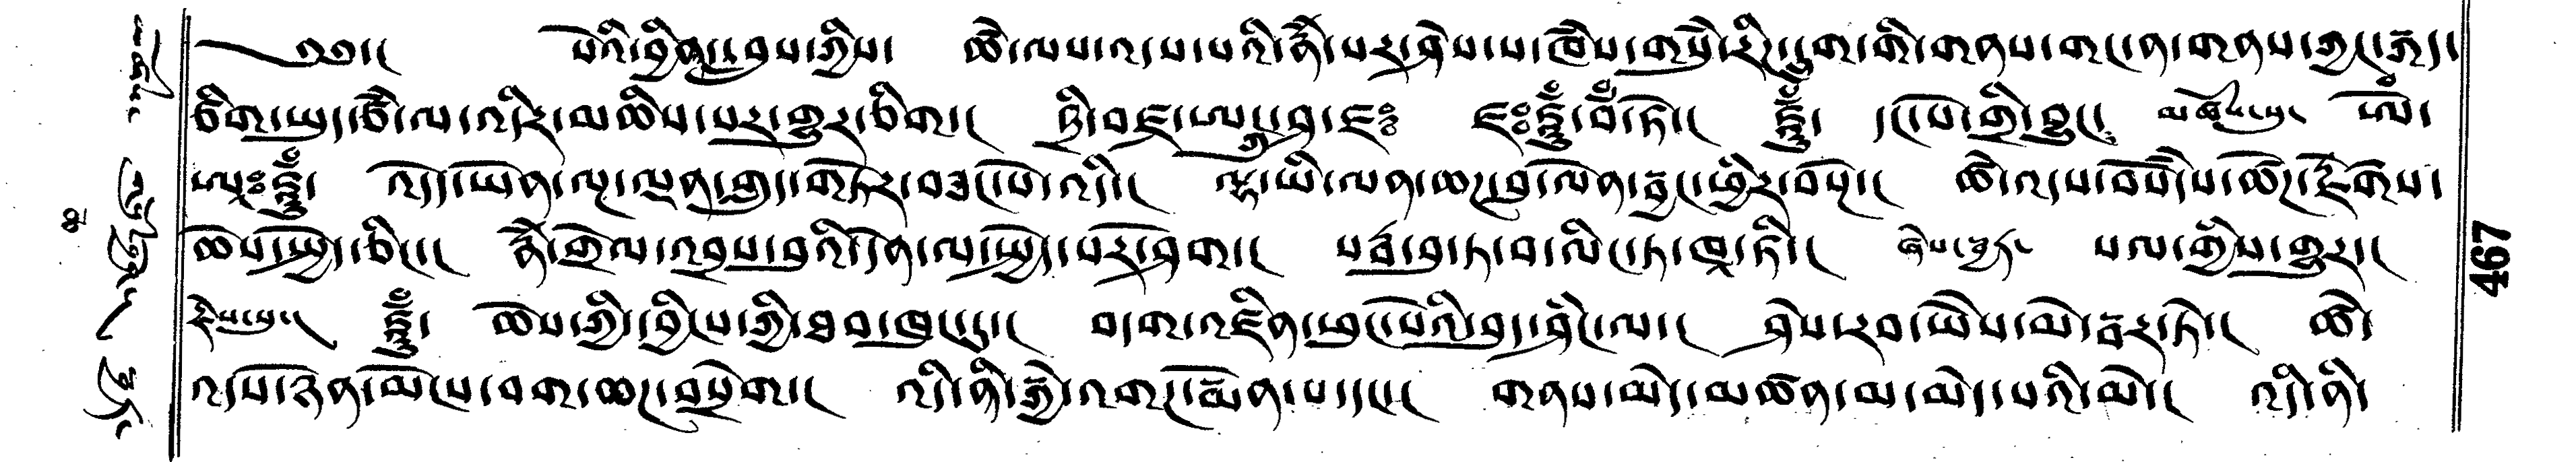པོའི་བྱིན་རླབས་ཀྱིས། ཚེ་ལས་འདས་པའི་རྣམ་པར་ཤེས་པ་ཁམས་གསུམ་རིགས་དྲུག་གི་གནས་གང་ན་གནས་ཀྱང་སྐད་
ཅིག་ཡུད་ཙམ་ལ་འདིར་མཆིས་པར་གྱུར་ཅིག ནྲི་བཛྲ་ཨངྐུ་ཤ་ཛཿ ཛཿཧཱུྃ་བྃ་ཧོཿ ཧཱུྃ། དང་པོ་གྲི་བྱུང༴ མཚམས་སུ། ཨོཾ་
ཨཱཿཧཱུྃ། འདོད་ཡོན་ལྔ་ལྡན་གླུད་གཏོར་བཟང་པོ་འདི། །ལྷ་ཡི་ལན་ཆགས་བུ་ལོན་སྦྱང་ཕྱིར་བསྔོ། །ཚེ་འདས་བསོད་ནམས་ཚོགས་རྫོགས་
ཆོས་སྤྱོད་ཅིང་། །རྣམ་གྲོལ་འབྲས་བུའི་དོན་ལ་སྤྱོད་པར་ཤོག སརྦ་བྷུ་ཏ་བཱ་ལིང་ཏ་ཁཱ་ཧི། ཞེས་སྦྱར། གསལ་གྱིས་གྱུར།
རྗེས་སུ། ཧཱུྃ། ཆོས་ཀྱི་དབྱིངས་ཀྱི་ཐབ་ཁུང་དུ། །བདག་འཛིན་ཕུང་པོའི་བུད་ཤིང་ལ། །ཤེས་རབ་ཡེ་ཤེས་མེ་སྦར་ཏེ། །ཚེ་
འདས་ཉོན་མོངས་བག་ཆགས་བསྲེག །འདི་ནི་སྐྱེ་འགག་སྨོན་པ་དང་། །གནས་མེད་མཚན་མ་མེད་པའི་མེ། །འདི་ནི་